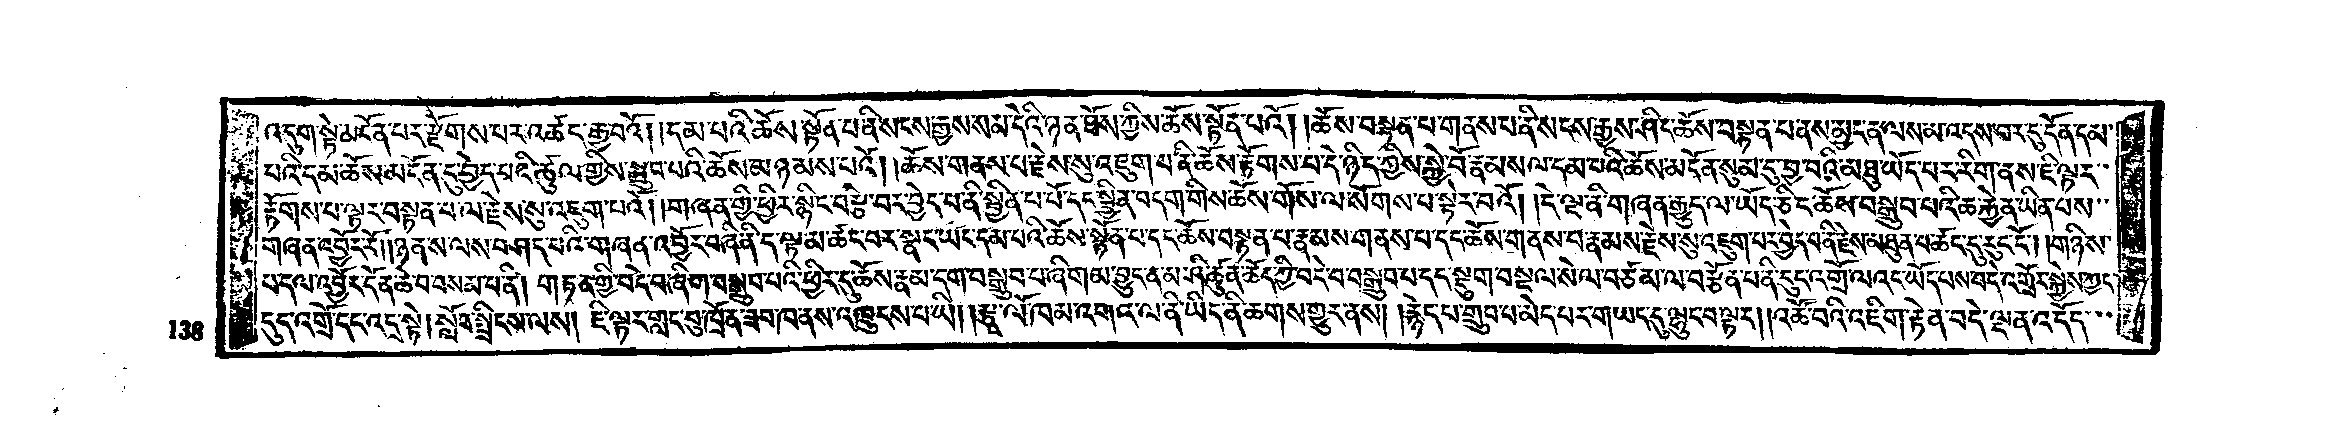འདུག་སྟེ་མངོན་པར་རྫོགས་པར་འཚང་རྒྱ་བའོ། །དམ་པའི་ཆོས་སྟོན་པ་ནི་སངས་རྒྱས་སམ་དེའི་ཉན་ཐོས་ཀྱིས་ཆོས་སྟོན་པའོ། །ཆོས་བསྟན་པ་གནས་པ་ནི་སངས་རྒྱས་ཤིང་ཆོས་བསྟན་པ་ནས་མྱ་ངན་ལས་མ་འདས་བར་དུ་དོན་དམ་
པའི་དམ་ཆོས་མངོན་དུ་བྱེད་པའི་ཚུལ་གྱིས་སྒྲུབ་པའི་ཆོས་མཉམས་པའོ། །ཆོས་གནས་པ་རྗེས་སུ་འཇུག་པ་ནི་ཆོས་རྟོགས་པ་དེ་ཉིད་ཀྱིས་སྐྱེ་བོ་རྣམས་ལ་དམ་པའི་ཆོས་མངོན་སུམ་དུ་བྱ་བའི་མཐུ་ཡོད་པར་རིག་ནས་ཇི་ལྟར་
རྟོགས་པ་ལྟར་བསྟན་པ་ལ་རྗེས་སུ་འཇུག་པའོ། །གཞན་གྱི་ཕྱིར་སྙིང་བརྩེ་བར་བྱེད་པ་ནི་སྦྱིན་པ་པོ་དང་སྦྱིན་བདག་གིས་ཆོས་གོས་ལ་སོགས་པ་སྟེར་བའོ། །དེ་ལྔ་ནི་གཞན་རྒྱུད་ལ་ཡོད་ཅིང་ཆོས་བསྒྲུབ་པའི་ཆ་རྐྱེན་ཡིན་པས་
གཞན་འབྱོར་རོ། །ཉན་ས་ལས་བཤད་པའི་གཞན་འབྱོར་བཞི་ནི་ད་ལྟ་མ་ཚང་བར་སྣང་ཡང་དམ་པའི་ཆོས་སྟོན་པ་དང་ཆོས་བསྟན་པ་རྣམས་གནས་པ་དང་ཆོས་གནས་པ་རྣམས་རྗེས་སུ་འཇུག་པར་བྱེད་པ་ནི་རྗེས་མཐུན་པ་ཚང་དུ་རུང་ངོ། །གཉིས་
པ་དལ་འབྱོར་དོན་ཆེ་བ་བསམ་པ་ནི། གཏན་གྱི་བདེ་བ་ཞིག་བསྒྲུབ་པའི་ཕྱིར་དུ་ཆོས་རྣམ་དག་བསྒྲུབ་པ་ཞིག་མ་བྱུང་ན་མ་ཤི་ཚུན་ཆོད་ཀྱི་བདེ་བ་བསྒྲུབ་པ་དང་སྡུག་བསྔལ་སེལ་བཙམ་ལ་བརྩོན་པ་ནི་དུད་འགྲོ་ལའང་ཡོད་པས་བདེ་འགྲོར་སྐྱེས་ཀྱང་
དུད་འགྲོ་དང་འདྲ་སྟེ། སློབ་སྤྲིངས་ལས། ཇི་ལྟར་གླང་བུ་ཁྲོན་ཟབ་ཁ་ནས་འཁྲུངས་པ་ཡི། །རྩྭ་ལོ་ཁམ་འགའ་ལ་ནི་ཡིད་ནི་ཆགས་གྱུར་ནས། །རྙེད་པ་གྲུབ་པ་མེད་པར་གཡང་དུ་ལྷུང་བ་ལྟར། །འཚོ་བའི་འཇིག་རྟེན་བདེ་ལྡན་འདོད་